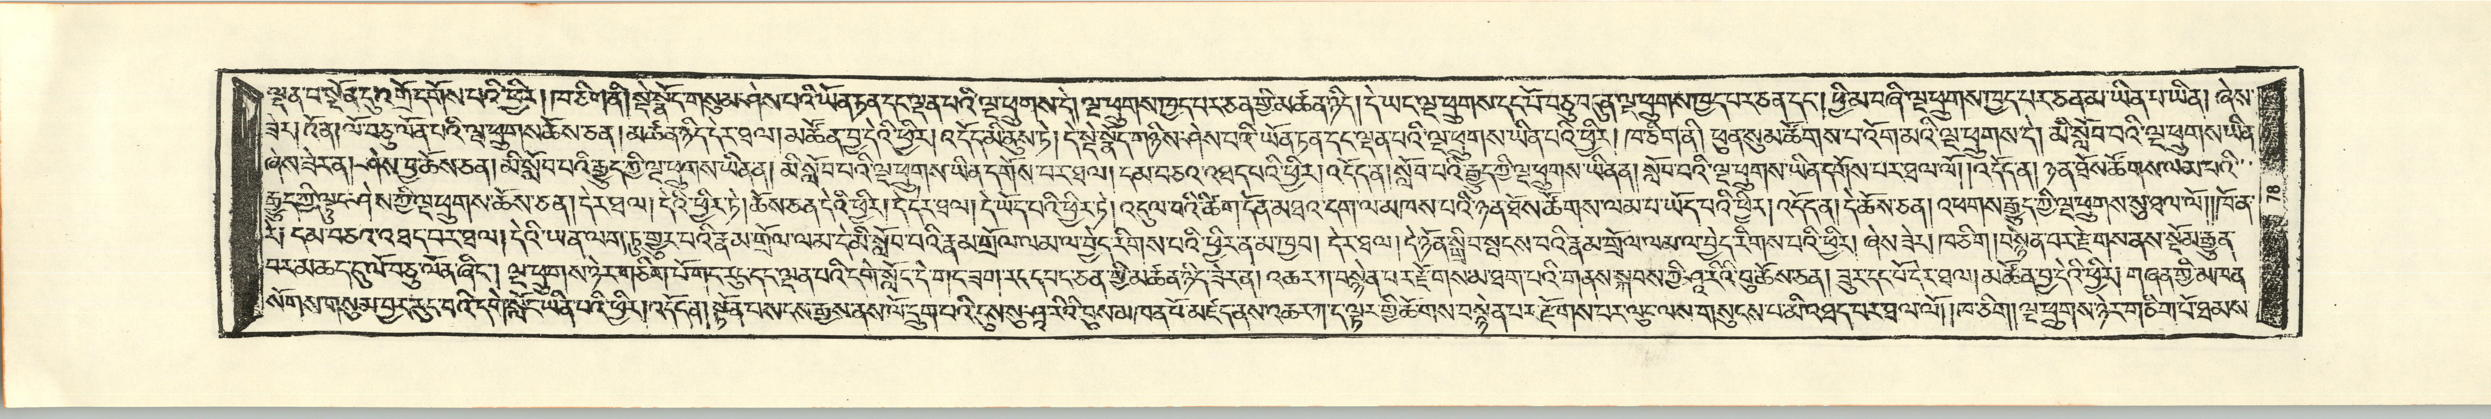ལྡན་པ་སྔོན་དུ་འགྲོ་དགོས་པའི་ཕྱིར། ཁ་ཅིག་ནི། སྡེ་སྣོད་གསུམ་ཤེས་པའི་ཡོན་ཏན་དང་ལྡན་པའི་ལྔ་ཕྲུགས་དེ། ལྔ་ཕྲུགས་ཁྱད་པར་ཅན་གྱི་མཚན་ཉིད། དེ་ཡང་ལྔ་ཕྲུགས་དང་པོ་བཅུ་བདུན་ལྔ་ཕྲུགས་ཁྱད་པར་ཅན་དང་། ཕྱི་མ་བཞི་ལྔ་ཕྲུགས་ཁྱད་པར་ཅན་མ་ཡིན་པ་ཡིན། ཞེས་
ཟེར། འོ་ན། ལོ་བཅུ་ལོན་པའི་ལྔ་ཕྲུགས་ཆོས་ཅན། མཚན་ཉིད་དེར་ཐལ། མཚོན་བྱ་དེའི་ཕྱིར། འདོད་མི་ནུས་ཏེ། དེ་སྡེ་སྣོད་གཉིས་ཤེས་པའི་ཡོན་ཏན་དང་ལྡན་པའི་ལྔ་ཕྲུགས་ཡིན་པའི་ཕྱིར། ཁ་ཅིག་ནི། ཕུན་སུམ་ཚོགས་པ་འོག་མའི་ལྔ་ཕྲུགས་དེ། མི་སློབ་བའི་ལྔ་ཕྲུགས་ཡིན་
ཞེས་ཟེར་ན། ཤེས་བྱ་ཆོས་ཅན། མི་སློབ་པའི་རྒྱུད་ཀྱི་ལྔ་ཕྲུགས་ཡིན་ན། མི་སློབ་པའི་ལྔ་ཕྲུགས་ཡིན་དགོས་པར་ཐལ། དམ་བཅའ་འཐད་པའི་ཕྱིར། འདོད་ན། སློབ་པའི་རྒྱུད་ཀྱི་ལྔ་ཕྲུགས་ཡིན་ན། སློབ་བའི་ལྔ་ཕྲུགས་ཡིན་དགོས་པར་ཐལ་ལོ། །འདོད་ན། ཉན་ཐོས་ཚོགས་ལམ་པའི་
རྒྱུད་ཀྱི་ལྟུང་ཤེས་ཀྱི་ལྔ་ཕྲུགས་ཆོས་ཅན། དེར་ཐལ། དེའི་ཕྱིར་ཏེ། ཆོས་ཅན་དེའི་ཕྱིར། དེ་དེར་ཐལ། དེ་ཡོད་པའི་ཕྱིར་ཏེ། འདུལ་བའི་ཚིག་དོན་མཐའ་དག་ལ་མཁས་པའི་ཉན་ཐོས་ཚོགས་ལམ་པ་ཡོད་པའི་ཕྱིར། འདོད་ན། དེ་ཆོས་ཅན། འཕགས་རྒྱུད་ཀྱི་ལྔ་ཕྲུགས་སུ་ཐལ་ལོ། །ཁོ་ན་
རེ། དམ་བཅའ་འཐད་པར་ཐལ། དེའི་ཡན་ལག་ཏུ་གྱུར་པའི་རྣམ་གྲོལ་ལམ་དེ་མི་སློབ་པའི་རྣམ་གྲོལ་ལམ་ལ་བྱེད་རིགས་པའི་ཕྱིར་ན་མ་ཁྱབ། དེར་ཐལ། དེ་ཉོན་སྒྲིབ་སྤངས་བའི་རྣམ་གྲོལ་ལམ་ལ་བྱེད་རིགས་པའི་ཕྱིར། ཞེས་ཟེར། ཁ་ཅིག །བསྙེན་པར་རྫོགས་ནས་སྡོམ་རྒྱུན་
བར་མ་ཆད་དུ་ལོ་བཅུ་ལོན་ཞིང་། ལྔ་ཕྲུགས་ཉེར་གཅིག་པོ་གང་རུང་དང་ལྡན་པའི་དགེ་སློང་དེ་གང་ཟག་རང་དབང་ཅན་གྱི་མཚན་ཉིད་ཟེར་ན། འཆར་ཀ་བསྙེན་པར་རྫོགས་མ་ཐག་པའི་གནས་སྐབས་ཀྱི་ཤཱ་རིའི་བུ་ཆོས་ཅན། ཟུར་དང་པོ་དེར་ཐལ། མཚོན་བྱ་དེའི་ཕྱིར། གཞན་གྱི་མཁན་
སོགས་གསུམ་བྱར་རུང་བའི་དགེ་སློང་ཡིན་པའི་ཕྱིར། འདོད་ན། སྟོན་པ་སངས་རྒྱས་ནས་ལོ་དྲུག་པའི་དུས་སུ་ཤཱ་རིའི་བུས་མཁན་པོ་མཛད་ནས་འཆར་ཀ་ད་ལྟར་གྱི་ཆོ་གས་བསྙེན་པར་རྫོགས་པར་ལུང་ལས་གསུངས་པ་མི་འཐད་པར་ཐལ་ལོ། །ཁ་ཅིག །ལྔ་ཕྲུགས་ཉེར་གཅིག་པོ་ཐམས་